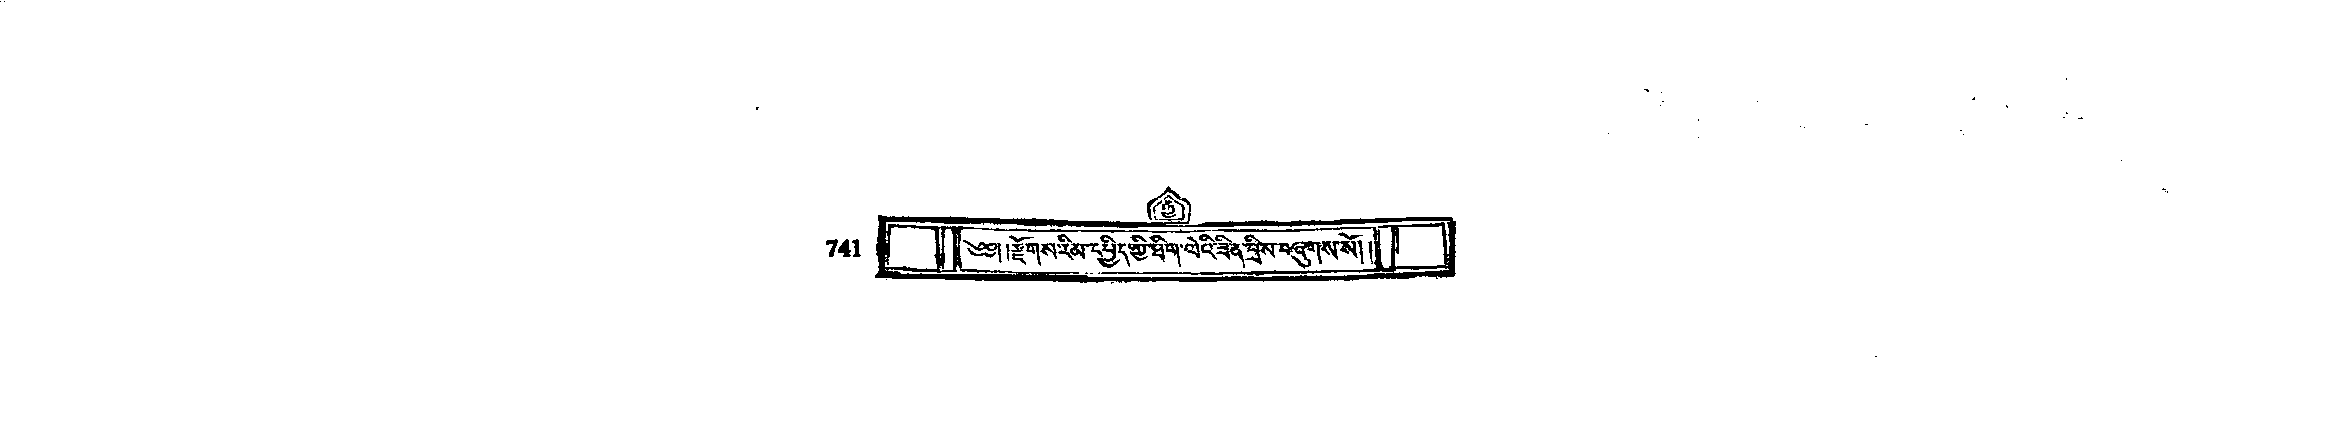༄༅། །རྫོགས་རིམ་དཔྱིད་ཀྱི་ཐིག་ལེའི་ཟིན་བྲིས་བཞུགས་སོ། །